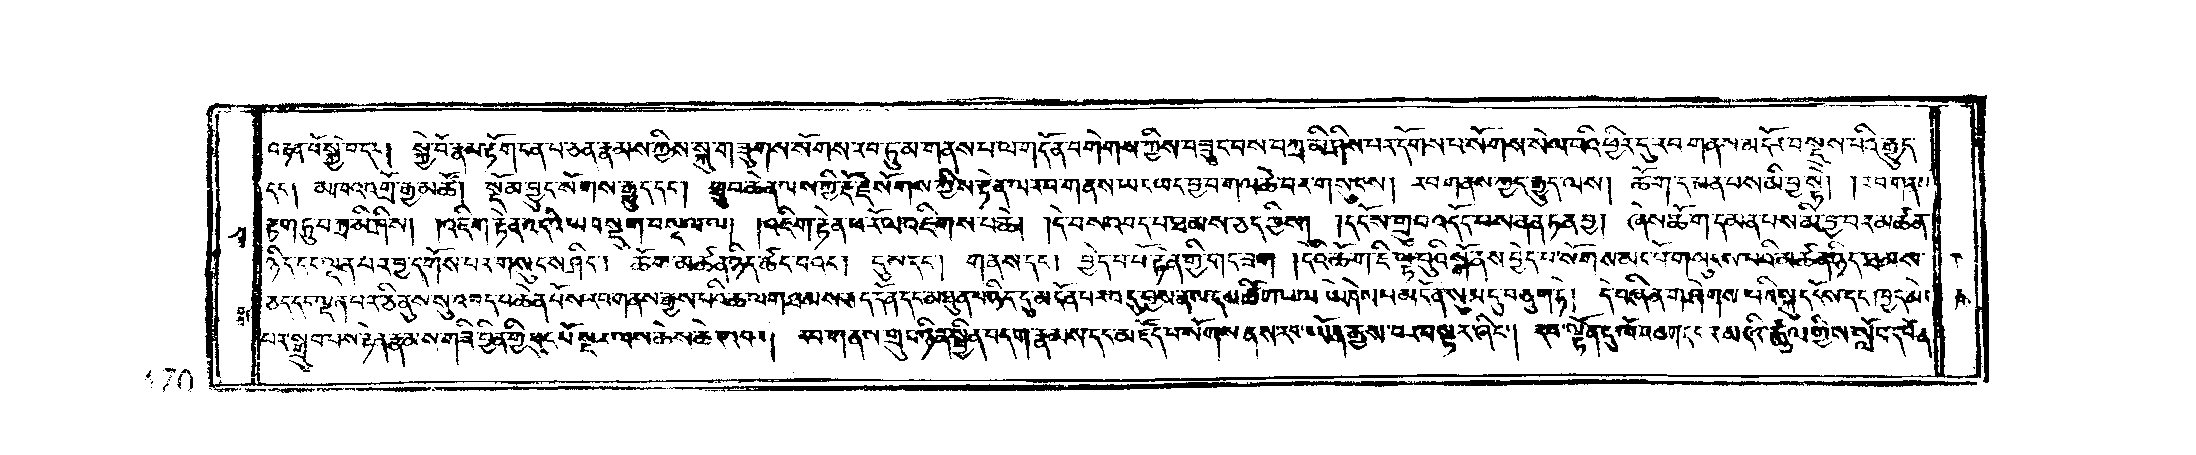བརྟན་པོ་སྐྱེ་བ་དང་། སྐྱེ་བོ་རྣམ་རྟོག་ངན་པ་ཅན་རྣམས་ཀྱིས་སྐུ་གཟུགས་སོགས་རབ་ཏུ་མ་གནས་པ་ལ་གདོན་བགེགས་ཀྱིས་བཟུང་བས་བཀྲ་མི་ཤིས་པར་དོགས་པ་སོགས་སེལ་བའི་ཕྱིར་དུ་རབ་གནས་མདོར་བསྡུས་པའི་རྒྱུད་
དང་། མཁའ་འགྲོ་རྒྱ་མཚོ། སྡོམ་བྱུང་སོགས་རྒྱུད་དང་། གྲུབ་ཆེན་ལས་ཀྱི་རྡོ་རྗེ་སོགས་ཀྱིས་རྟེན་ལ་རབ་གནས་ཡང་ཡང་བྱ་བ་གལ་ཆེ་བར་གསུངས། རབ་གནས་ཀྱང་རྒྱུད་ལས། ཆོ་ག་དམན་པས་མི་བྱ་སྟེ། །རབ་གནས་
རྟག་ཏུ་བཀྲ་མི་ཤིས། །འཇིག་རྟེན་འདིའི་ཡབ་བསྡུག་བསྔལ་ལ། །འཇིག་རྟེན་ཕ་རོལ་འཇིགས་པ་ཆེ། །དེ་བས་འབད་པ་ཐམས་ཅད་ཀྱིས། །དངོས་གྲུབ་འདོད་པས་ནན་ཏན་བྱ། ཞེས་ཆོ་ག་དམན་པས་མི་བྱ་བར་མཚན་
ཉིད་དང་ལྡན་པར་བྱ་དགོས་པར་གསུང་ཤིང་། ཆོ་ག་མཚན་ཉིད་ཚང་བའང་། དུས་དང་། གནས་དང་། བྱེད་པ་པོ་རྟེན་གྱི་གང་ཟག །དེའི་ཆོ་ག་ཇི་ལྟ་བུའི་སྒོ་ནས་བྱེད་པ་སོགས་མང་པོ་གསུངས་པའི་མཚན་ཉིད་ཐམས་
ཅད་དང་ལྡན་པར་ཅི་ནུས་སུ་འབད་པ་ཆེན་པོས་རབ་གནས་རྒྱས་པའི་ཆ་ལག་ཐམས་ཅད་དོན་དང་མཐུན་པ་ཉིད་དུ་མངོན་པར་འདུ་བྱས་ནས་དལ་ཚིག་བལ་ཡེ་ཤེས་པ་མངོན་སུམ་དུ་བཅུག་ཏེ། དེ་བཞིན་གཤེགས་པའི་སྐུ་དངོས་དང་ཁྱད་མེད་
པར་སྒྲུབ་པས་རྟེན་རྣམས་གཟིག་བྱིན་གྱི་ཕུང་པོ་སྔར་ལས་ཆེས་ཆེར་འབར། རབ་གནས་གྲུབ་ཉིན་སྦྱིན་བདག་རྣམས་དང་མཛོད་པ་སོགས་ནས་རབ་ཡོན་རྒྱས་པར་བསྟར་ཞིང་། རབ་ལྟོན་དུ་ཁོ་བཅག་དང་རམ་ངའི་ཚུལ་གྱིས་སློབ་དཔོན་